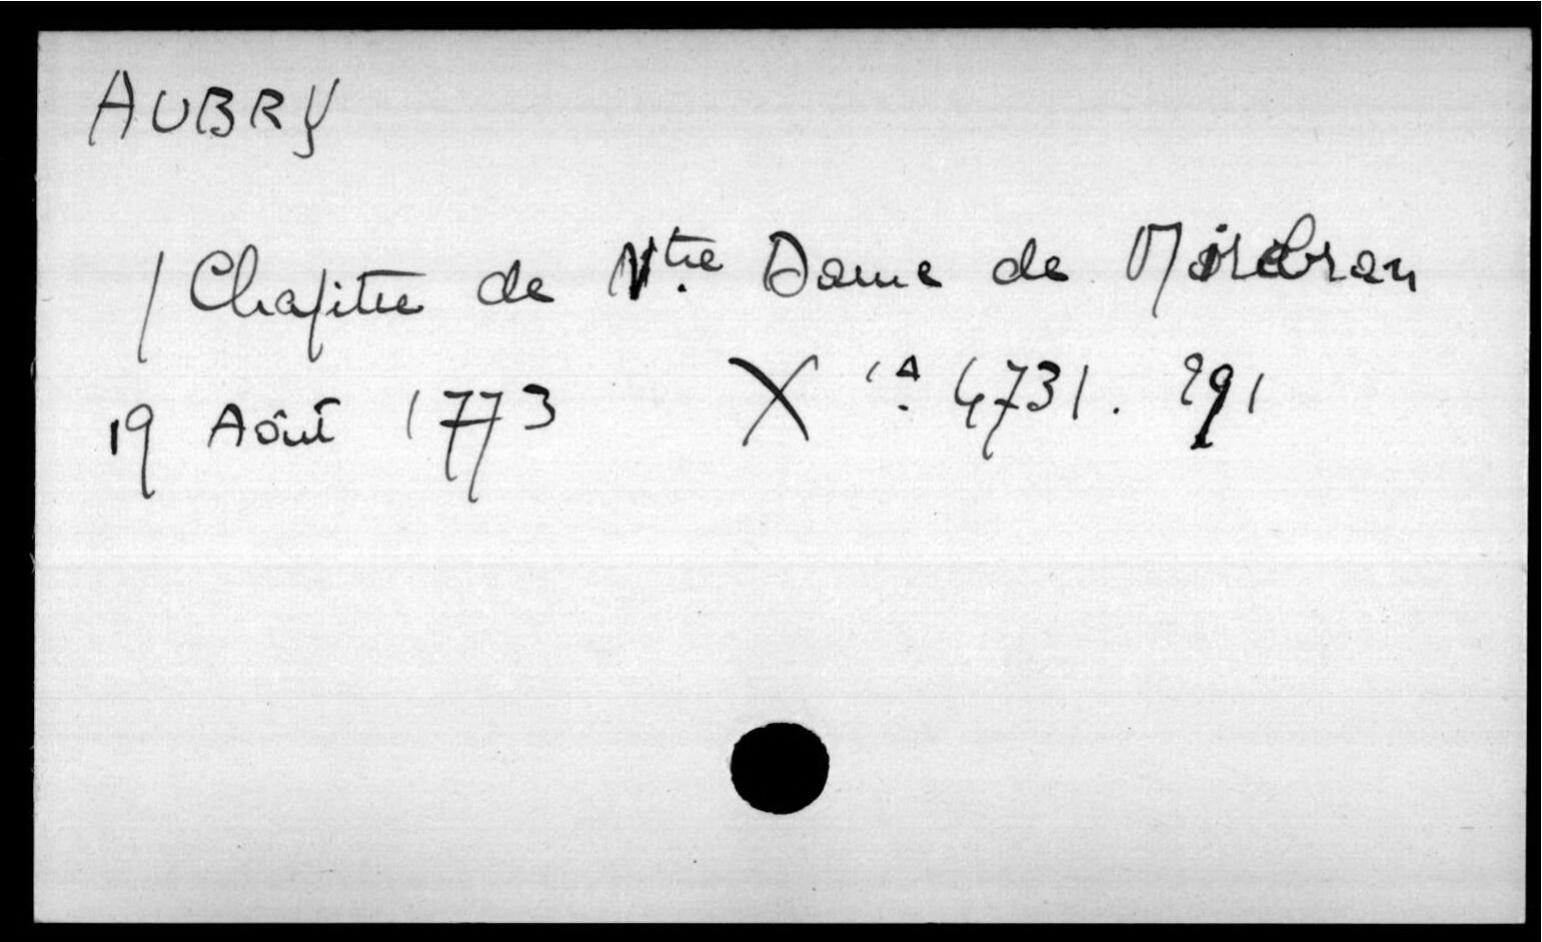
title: AUBRY
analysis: Contre Chapitre de Notre-Dame de Mordran
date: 19 août 1773
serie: X1A
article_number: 4731
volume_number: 291
